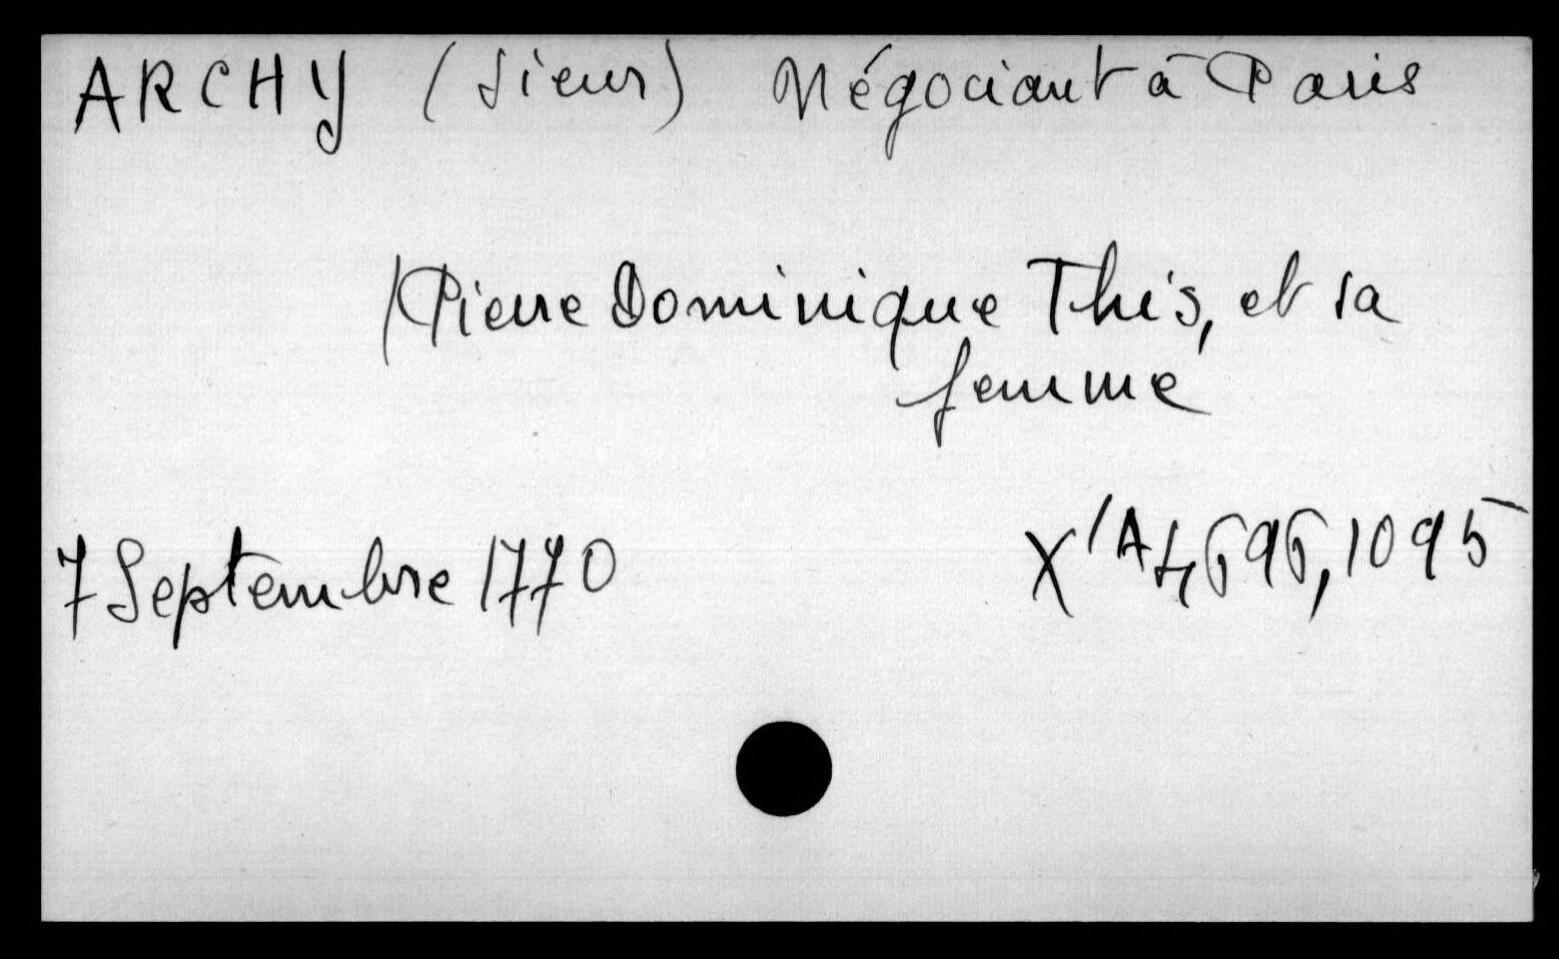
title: ARCHY (Sieur) Mégociant à Paris
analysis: Contre Pierre Dominique This, et sa femme
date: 7 septembre 1770
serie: X1A
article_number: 4696
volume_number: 1095
